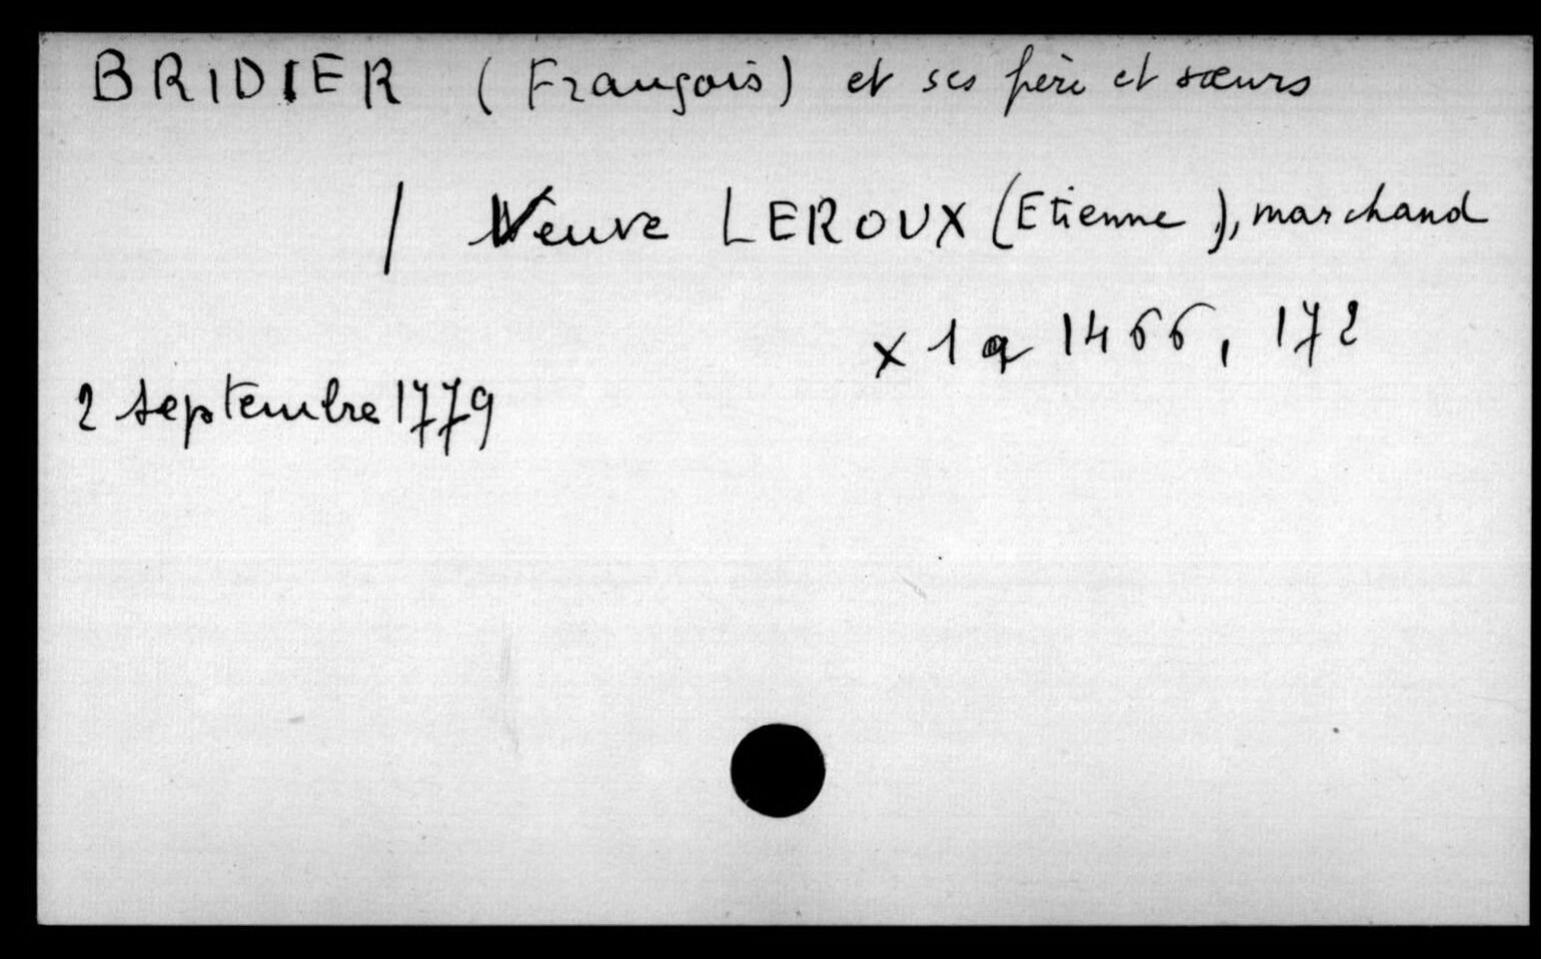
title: BRIDIER (François) et ses frère et Sœurs
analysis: Contre Veuve LEROUX (Étienne), marchand
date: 2 septembre 1779
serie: X1a
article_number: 1466
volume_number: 172
